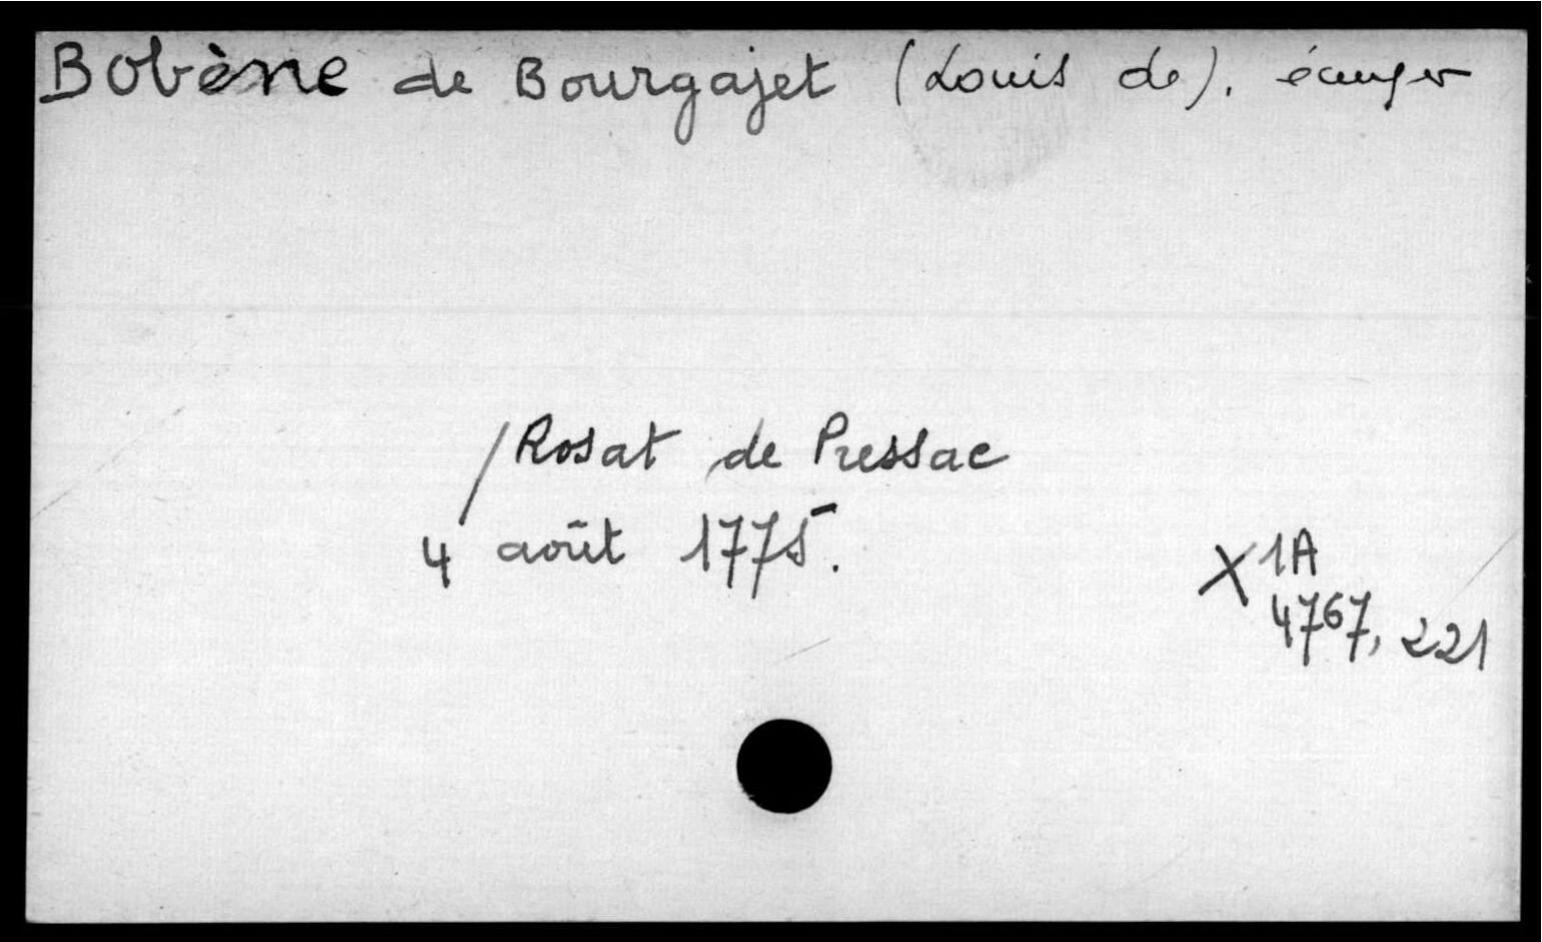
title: BOBènE de Bourgajet (Louis de), écuyer
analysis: Contre Rosat de Pressac
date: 4 août 1775
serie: X1A
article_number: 4767
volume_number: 221
